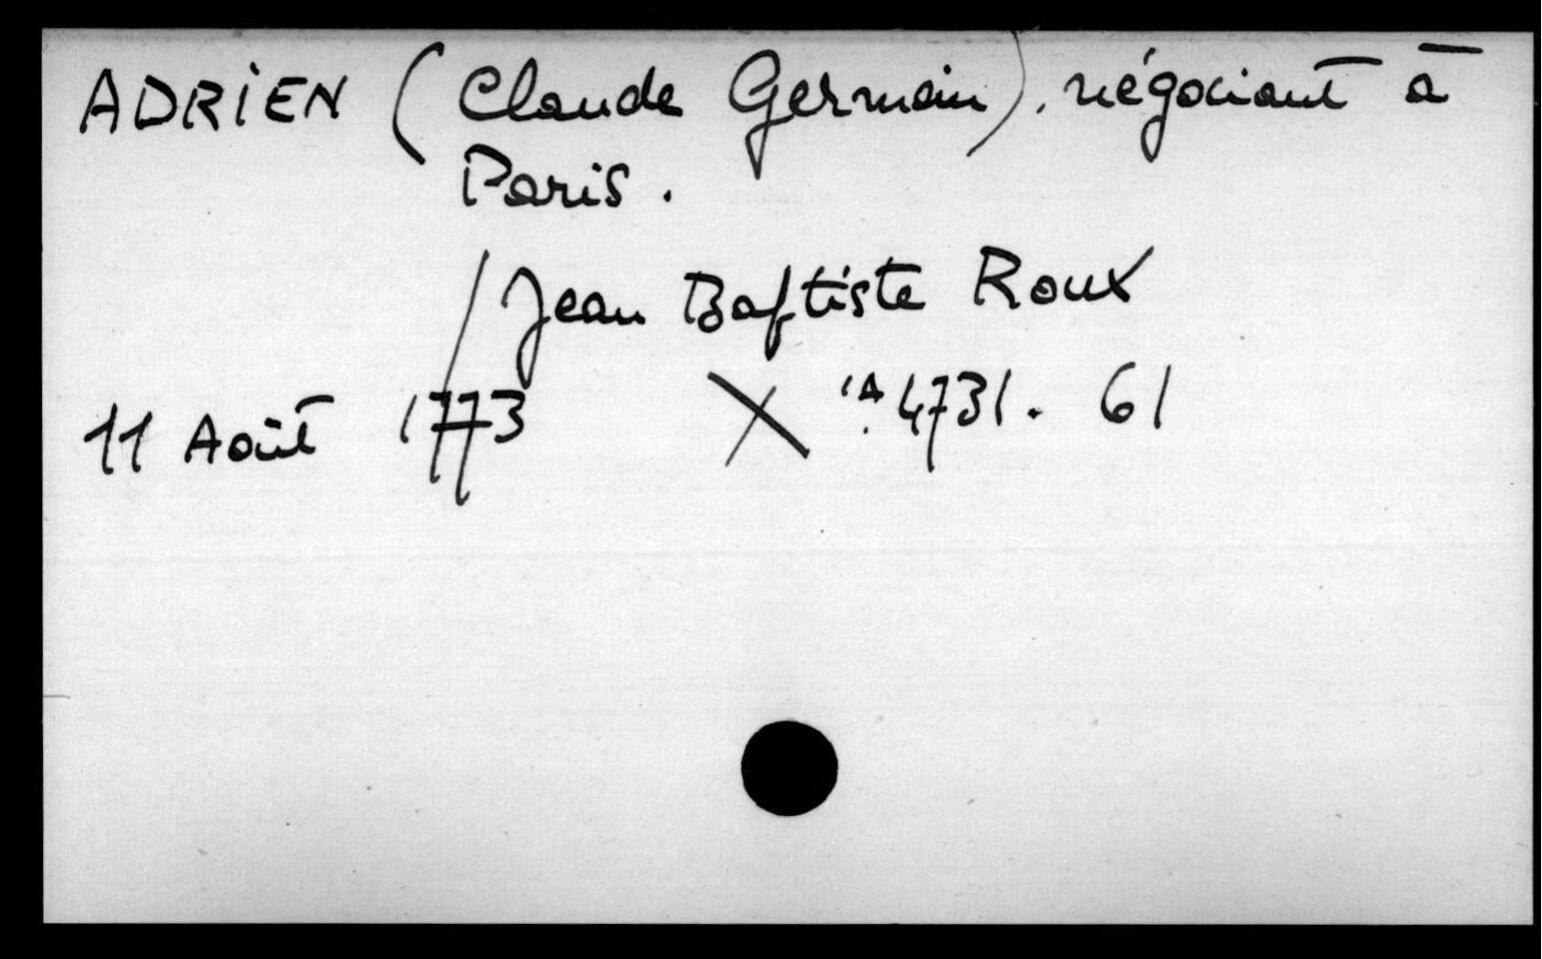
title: ADRIEN (Claude Germain), négociant à Paris.
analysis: Contre Jean-Baptiste Roux
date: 11 août 1773
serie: X1A
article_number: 4731
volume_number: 61
